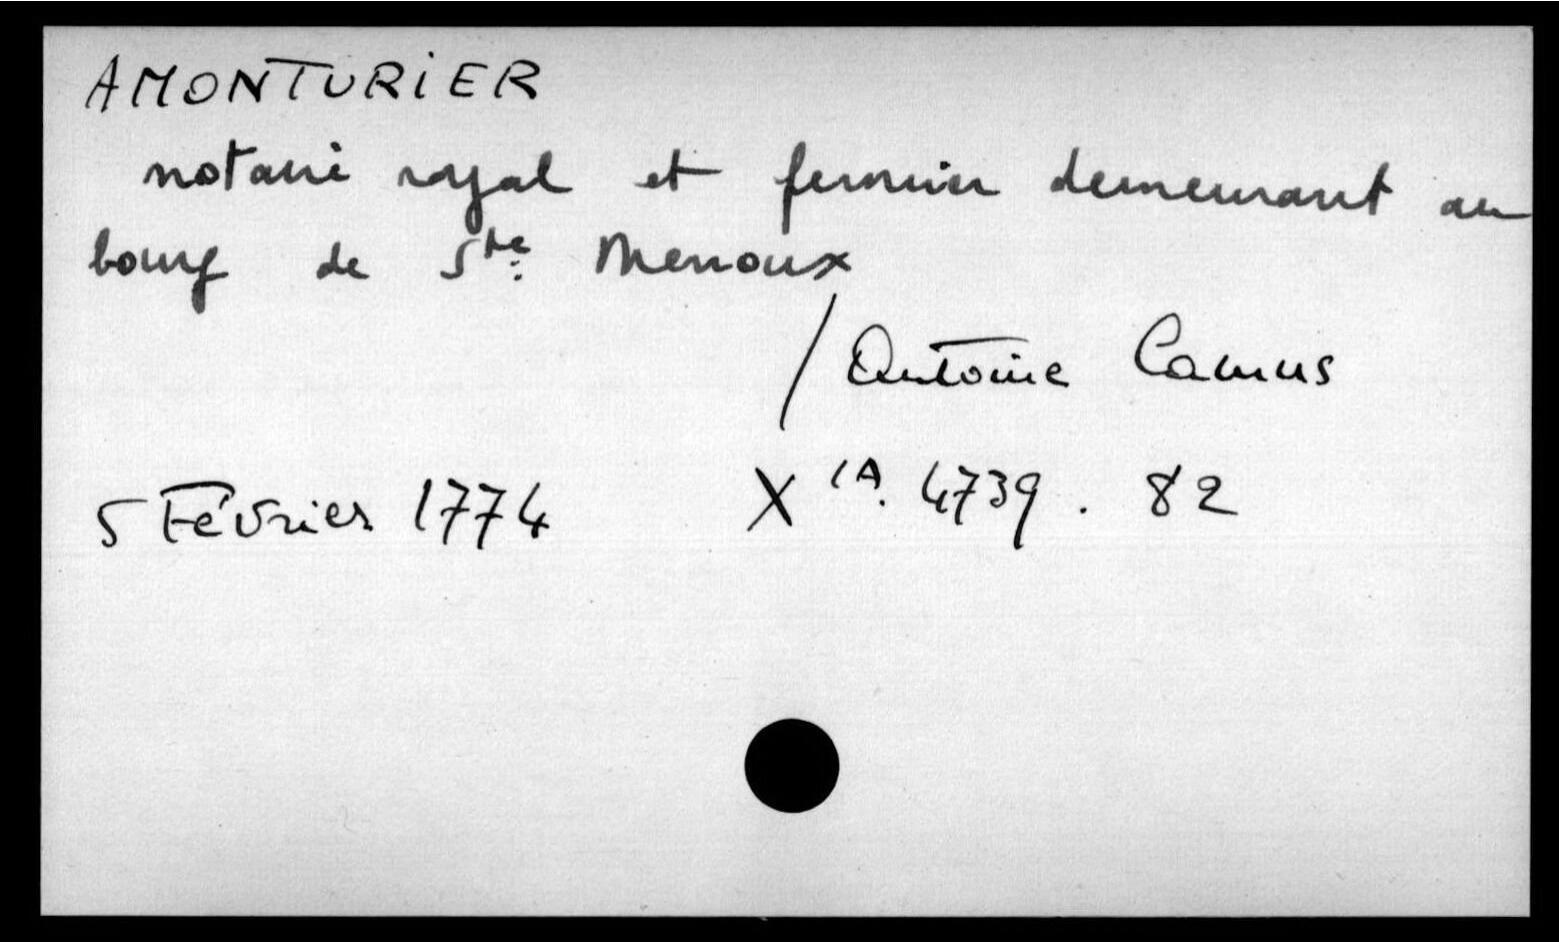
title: AMONTURIER notaire royal et fermier demeurant au bourg de Sainte-Menoux
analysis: Contre Antoine Camus
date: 5 février 1774
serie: X1A
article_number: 4739
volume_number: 82
